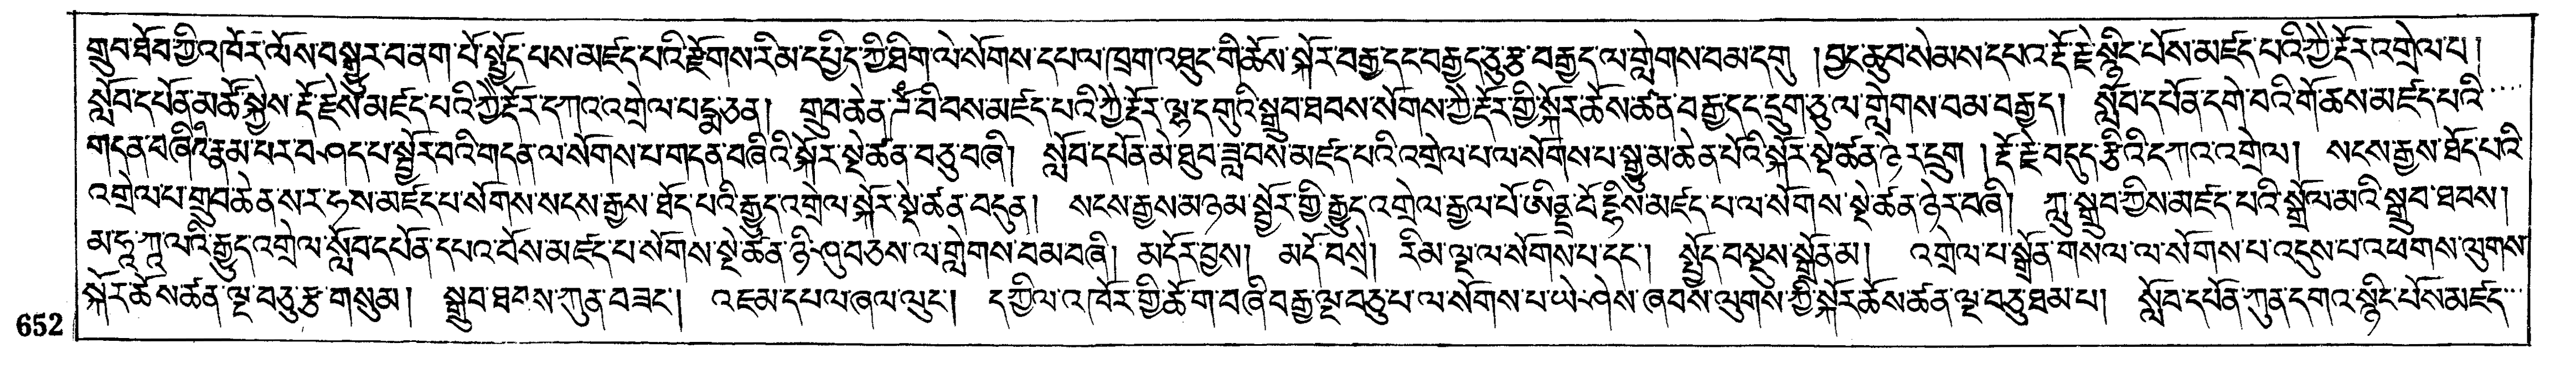གྲུབ་ཐོབ་ཀྱི་འཁོར་ལོས་བསྒྱུར་བ་ནག་པོ་སྤྱོད་པས་མཛད་པའི་རྫོགས་རིམ་དཔྱིད་ཀྱི་ཐིག་ལེ་སོགས་དཔལ་ཁྲག་འཐུང་གི་ཆོས་སྐོར་བརྒྱ་དང་བརྒྱད་ཅུ་རྩ་བརྒྱད་ལ་གླེགས་བམ་དགུ །བྱང་ཆུབ་སེམས་དཔའ་རྡོ་རྗེ་སྙིང་པོས་མཛད་པའི་ཀྱཻ་རྡོར་འགྲེལ་པ།
སློབ་དཔོན་མཚོ་སྐྱེས་རྡོ་རྗེས་མཛད་པའི་ཀྱཻ་རྡོར་དཀའ་འགྲེལ་པདམ་ཅན། གྲུབ་ཆེན་ཌོཾ་བི་པས་མཛད་པའི་ཀྱཻ་རྡོར་ལྷ་དགུའི་སྒྲུབ་ཐབས་སོགས་ཀྱཻ་རྡོར་གྱི་སྐོར་ཆོས་ཚན་བརྒྱ་དང་དྲུག་ཅུ་ལ་གླེགས་བམ་བརྒྱད། སློབ་དཔོན་དགེ་བའི་གོ་ཆས་མཛད་པའི་
གདན་བཞིའི་རྣམ་པར་བཤད་པ་སྦྱོར་བའི་གདན་ལ་སོགས་པ་གདན་བཞིའི་སྐོར་སྡེ་ཚན་བཅུ་བཞི། སློབ་དཔོན་མེ་ཐུབ་ཟླ་བས་མཛད་པའི་འགྲེལ་པ་ལ་སོགས་པ་སྒྱུ་མ་ཆེན་པོའི་སྐོར་སྡེ་ཚན་ཉེར་དྲུག །རྡོ་རྗེ་བདུད་རྩིའི་དཀའ་འགྲེལ། སངས་རྒྱས་ཐོད་པའི་
འགྲེལ་པ་གྲུབ་ཆེན་ས་ར་ཧས་མཛད་པ་སོགས་སངས་རྒྱས་ཐོད་པའི་རྒྱུད་འགྲེལ་སྐོར་སྡེ་ཚན་བདུན། སངས་རྒྱས་མཉམ་སྦྱོར་གྱི་རྒྱུད་འགྲེལ་རྒྱལ་པོ་ཨིནྡྲ་བོ་དྷིས་མཛད་པ་ལ་སོགས་སྡེ་ཚན་ཉེར་བཞི། ཀླུ་སྒྲུབ་ཀྱིས་མཛད་པའི་སྒྲོལ་མའི་སྒྲུབ་ཐབས།
མ་ཧཱ་ཀཱ་ལའི་རྒྱུད་འགྲེལ་སློབ་དཔོན་དཔའ་བོས་མཛད་པ་སོགས་སྡེ་ཚན་ཉི་ཤུ་བཅས་ལ་གླེགས་བམ་བཞི། མདོར་བྱས། མདོ་བསྲེ། རིམ་ལྔ་ལ་སོགས་པ་དང་། སྤྱོད་བསྡུས་སྒྲོན་མེ། འགྲེལ་པ་སྒྲོན་གསལ་ལ་སོགས་པ་འདུས་པ་འཕགས་ལུགས་
སྐོར་ཆོས་ཚན་ལྔ་བཅུ་རྩ་གསུམ། སྒྲུབ་ཐབས་ཀུན་བཟང་། འཇམ་དཔལ་ཞལ་ལུང་། དཀྱིལ་འཁོར་གྱི་ཆོ་ག་བཞི་བརྒྱ་ལྔ་བཅུ་པ་ལ་སོགས་པ་ཡེ་ཤེས་ཞབས་ལུགས་ཀྱི་སྐོར་ཆོས་ཚན་ལྔ་བཅུ་ཐམ་པ། སློབ་དཔོན་ཀུན་དགའ་སྙིང་པོས་མཛད་